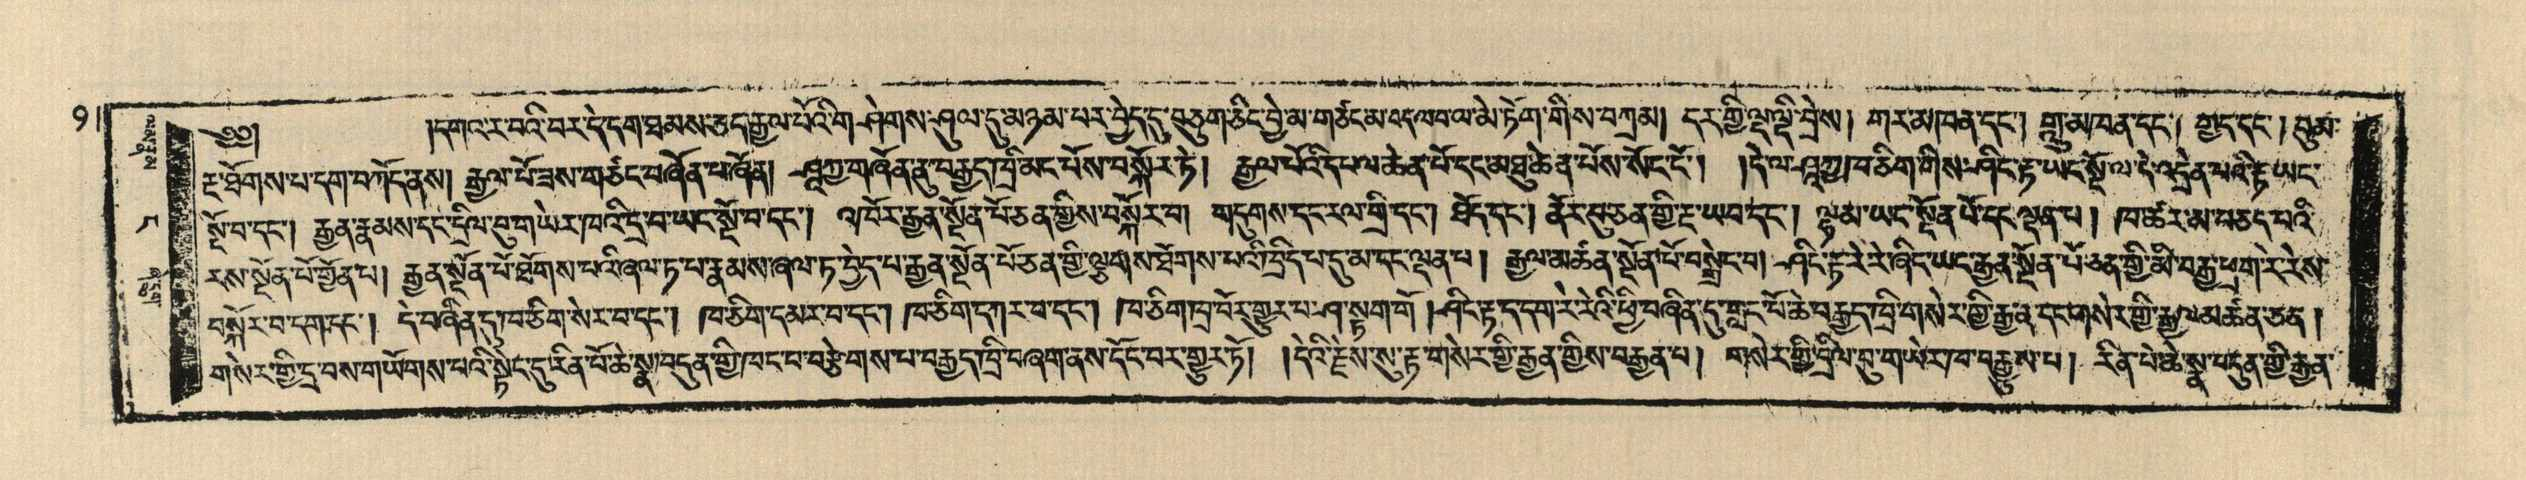༄༅། །དགའ་ར་བའི་བར་དེ་དག་ཐམས་ཅད་རྒྱལ་པོའི་གཤེགས་ཤུལ་དུ་མཉམ་པར་བྱེད་དུ་བཅུག་ཅིང་བྱེ་མ་གཙང་མ་བདལ་བ་ལ་མེ་ཏོག་གིས་བཀྲམ། དར་གྱི་ལྔ་ལྡི་བྲེས། གར་མཁན་དང་། གླུ་མཁན་དང་། གླང་དང་། བུམ་
རྔ་ཐོགས་པ་དག་བཀོད་ནས། རྒྱལ་པོ་ཟས་གཙང་བཞོན་པ་ཞོན། ཤཱཀྱ་གཞོན་ནུ་བརྒྱད་ཁྲི་མང་པོས་བསྐོར་ཏེ། རྒྱལ་པོའི་དཔལ་ཆེན་པོ་དང་མཐུ་ཆེན་པོས་སོང་ངོ། །དེ་ལ་ཤཱཀྱ་ཁ་ཅིག་གིས་ཤིང་རྟ་ཡང་སྔོ་ལ་དེ་འདྲེན་པའི་རྟ་ཡང་
སྔོ་བ་དང་། རྒྱན་རྣམས་དང་དྲིལ་བུ་གཡེར་ཁའི་དྲ་བ་ཡང་སྔོ་བ་དང་། འཁོར་རྒྱན་སྔོན་པོ་ཅན་གྱིས་བསྐོར་བ། གདུགས་དང་རལ་གྲི་དང་། ཐོད་དང་། ནོར་བུ་ཅན་གྱི་རྔ་ཡབ་དང་། ལྷམ་ཡང་སྔོན་པོ་དང་ལྡན་པ། ཁ་ཚར་མ་བཅད་པའི་
རས་སྔོན་པོ་གྱོན་པ། རྒྱན་སྔོན་པོ་ཐོགས་པའི་ཞལ་ཏ་པ་རྣམས་ཞལ་ཏ་བྱེད་པ་རྒྱན་སྔོན་པོ་ཅན་གྱི་ལྕགས་ཐོགས་པའི་ཁྲིད་པ་དུ་མ་དང་ལྡན་པ། རྒྱལ་མཚན་སྔོན་པོ་བསྒྲེང་བ། ཤིང་རྟ་རེ་རེ་ཞིང་ཡང་རྒྱན་སྔོན་པོ་ཅན་གྱི་མི་བརྒྱ་ཕྲག་རེ་རེས་
བསྐོར་བ་དག་དང་། དེ་བཞིན་དུ་ཁ་ཅིག་སེར་བ་དང་། ཁ་ཅིག་དམར་བ་དང་། ཁ་ཅིག་དཀར་བ་དང་། ཁ་ཅིག་ཁྲ་བོར་གྱུར་པ་ཤ་སྟག་གོ །ཤིང་རྟད་དག་རེ་རེའི་ཕྱི་བཞིན་དུ་གླང་པོ་ཆེ་བརྒྱད་ཁྲི་གསེར་གྱི་རྒྱན་དང་གསེར་གྱི་རྒྱལ་མཚན་ཅན།
གསེར་གྱི་དྲ་བས་གཡོགས་པའི་སྟེང་དུ་རིན་པོ་ཆེ་སྣ་བདུན་གྱི་ཁང་པ་བརྩེགས་པ་བརྒྱད་ཁྲི་བཞག་ནས་དོང་བར་གྱུར་ཏོ། །དེའི་རྗེས་སུ་རྟ་གསེར་གྱི་རྒྱན་གྱིས་བརྒྱན་པ། གསེར་གྱི་དྲིལ་བུ་གཡེར་ཁ་བརྒྱུས་པ། རིན་པོ་ཆེ་སྣ་བདུན་གྱི་རྒྱན་